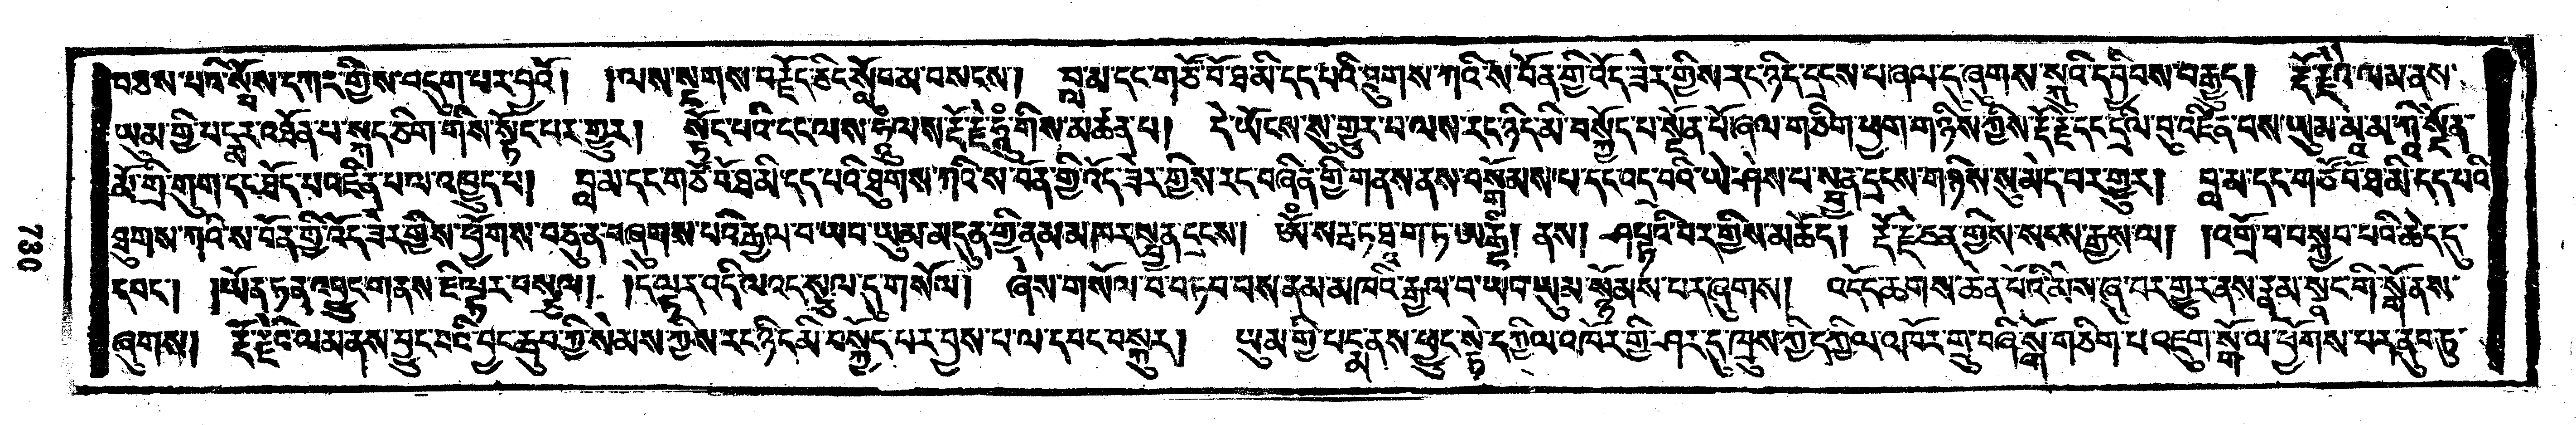བཅས་པའི་སྦོས་དཀར་གྱིས་བདུན་པར་བྱའོ། །ལས་སྔགས་བརྗོད་ཅིང་སློབ་མ་བསངས། བླ་མ་དང་གཙོ་བོ་ཐ་མི་དད་པའི་ཐུགས་ཀའི་ས་བོངྱི་འོད་ཟེར་གྱིས་རང་ཉིད་དྲངས་པ་ཞལ་དུ་ཞུགས་སྐུའི་དབྱིབས་བརྒྱུད། རྡོ་རྗེའི་ལམ་ནས་
ཡུམ་གྱི་པདམར་འཐོན་པ་སྐད་ཅིག་གིས་སྟོང་པར་གྱུར། སྟོང་པའི་ངང་ལས་ཧཱུཾ་ལས་རྡོ་རྗེ་ཧཱུཾ་གིས་མཚན་པ། དེ་ཡོངས་སུ་གྱུར་པ་ལས་རང་ཉིད་མི་བསྐྱོད་པ་སྔོན་པོ་ཞལ་གཅིག་ཕྱག་གཉིས་ཀྱིས་རྡོ་རྗེ་དང་དྲིལ་བུ་འཛིན་བས་ཡུམ་མཱ་མ་ཀཱི་སྔོན་
མོ་གྲི་གུག་དང་ཐོད་པ་འཛིན་པ་ལ་འཁྱུད་པ། བླ་མ་དང་གཙོ་བོ་ཐ་མི་དད་པའི་ཐུགས་ཀའི་ས་བོན་གྱི་འོད་ཟེར་གྱིས་རང་བཞིན་གྱི་གནས་ནས་བསྒོམས་པ་དང་འདྲ་བའི་ཡེ་ཤེས་པ་སྦྱན་དྲངས་གཉིས་སུ་མེད་པར་གྱུར། བླ་མ་དང་གཙོ་བོ་ཐ་མི་དད་པའི་
ཐུགས་ཀའི་ས་བོན་གྱི་འོད་ཟེར་གྱིས་ཕྱོགས་བཅུ་ན་བཞུགས་པའི་རྒྱལ་བ་ཡབ་ཡུམ་མདུན་གྱི་ནམ་མཁར་སྦྱན་དྲངས། ཨོཾ་སརྦ་ཏ་ཐཱ་ག་ཏ་ཨརྒྷཾ། ནས། ཤྤཏའི་བར་གྱིས་མཆོད། རྡོ་རྗེ་ཅན་གྱིས་སངས་རྒྱས་ལ། །འགྲོ་བ་བསྐྱབ་པའི་ཆེད་དུ་
དབང་། །ཡོན་ཏན་འབྱུང་གནས་ཇི་ལྟར་བསྩལ། །དེ་ལྟར་འདི་ལའང་སྩལ་དུ་གསོལ། ཞེས་གསོལ་བ་བཏབ་བས་ནམ་མཁའི་རྒྱལ་བ་ཡབ་ཡུམ་སྙོམས་པར་ཞུགས། འདོད་ཆགས་ཆེན་པོའི་མེས་ཞུ་བར་གྱུར་ནས་རྣམ་སྣང་གི་སྒོ་ནས་
ཞུགས། རྡོ་རྗེའི་ལམ་ནས་བྱུང་བའི་བྱང་ཆུབ་ཀྱི་སེམས་ཀྱིས་རང་ཉིད་མི་བསྐྱོད་པར་བྱས་པ་ལ་དབང་བསྐུར། ཡུམ་གྱི་པདམ་ནས་ཕྱུང་སྟེ་དཀྱིལ་འཁོར་གྱི་ཤར་དུ་ཁྲུས་ཀྱི་དཀྱིལ་འཁོར་གྲུ་བཞི་སྒོ་གཅིག་པ་འཇུག་སྒོ་ལ་ཕྱོགས་པར་ནུབ་ཏུ་